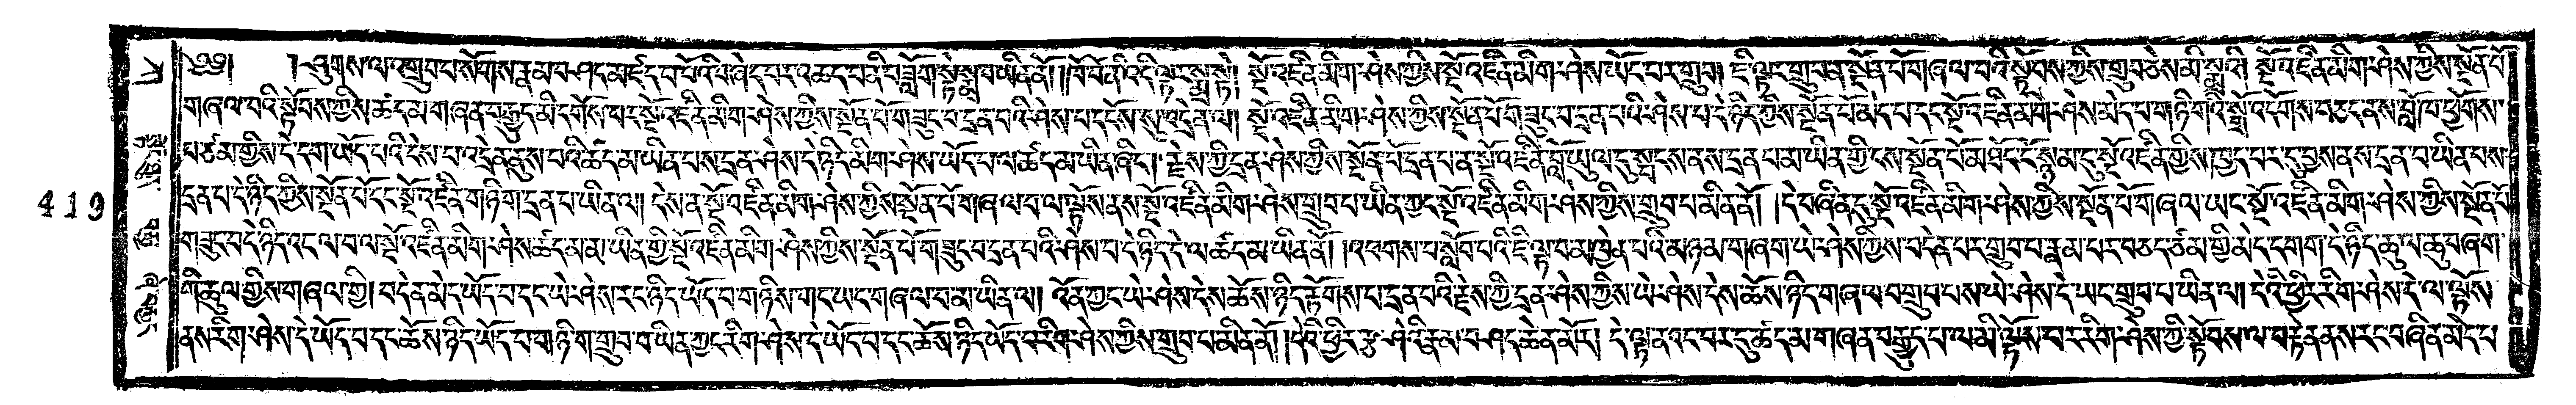༄༅། །ཤུགས་ལ་འགྲུབ་པ་སོགས་རྣམ་བཤད་མཛད་པ་པོའི་བཞེད་པར་འཆད་པ་ནི་བཟློག་སྟེ་སྨྲ་བ་ཡིན་ནོ། །ཁོ་བོ་ནི་འདི་ལྟར་སྨྲ་སྟེ། སྔོ་འཛིན་མིག་ཤེས་ཀྱིས་སྔོ་འཛིན་མིག་ཤེས་ཡོད་པར་གྲུབ། ཇི་ལྟར་གྲུབ་ན་སྔོན་པོ་གཞལ་བའི་སྟོབས་ཀྱིས་གྲུབ་ཅེས་མི་སྨྲའི། སྔོ་འཛིན་མིག་ཤེས་ཀྱིས་སྔོན་བོ་
གཞའ་བའི་སྟོབས་ཀྱིས་ཚད་མ་གཞན་བརྒྱུད་མི་དགོས་པར་སྔོ་འཛིན་མིག་ཤེས་ཀྱིས་སྔོན་པོ་གཟུང་བ་དྲན་པའི་ཤེས་པ་དངོས་སུ་འདྲེན་ལ། སྔོ་འཛིན་མིག་ཤེས་ཀྱིས་སྔོན་པོ་གཟུང་བ་དྲན་པའི་ཤེས་པ་དེ་ཉིད་ཀྱིས་སྔོན་པོ་མེད་པ་དང་སྔོ་འཛིན་མིག་ཤེས་མེད་པ་གཉི་གའི་སྒྲོ་འདོགས་བཅད་ནས་བློ་ཁ་ཕྱོགས་
བཙམ་གྱིས་དེ་དག་ཡོད་པའི་ངེས་པ་འདྲེན་ནུས་པའི་ཚད་མ་ཡིན་པས་དྲན་ཤེས་དེ་ཉིད་མིག་ཤེས་ཡོད་པ་ལ་ཚད་མ་ཡིན་ཞིང་། རྗེས་ཀྱི་དྲན་ཤེས་ཀྱིས་སྔོན་པོ་དྲན་པ་ན་སྔོ་འཛིན་བློ་ཡུལ་དུ་སྤངས་ནས་དྲན་པ་མ་ཡིན་གྱི་ངས་སྔོན་པོ་མཐོང་ངོ་སྙམ་དུ་སྔོ་འཛིན་གྱིས་ཁྱད་པར་དུ་བྱས་ནས་དྲན་པ་ཡིན་པས་
དྲན་པ་དེ་ཉིད་ཀྱིས་སྔོན་པོ་དང་སྔོ་འཛིན་གཉི་ག་དྲན་པ་ཡིན་ལ། དེས་ན་སྔོ་འཛིན་མིག་ཤེས་ཀྱིས་སྔོན་བོ་གཞལ་པ་ལ་ལྟོས་ནས་སྔོ་འཛིན་མིག་ཤེས་གྲུབ་པ་ཡིན་ཀྱང་སྔོ་འཛིན་མིག་ཤེས་ཀྱིས་གྲུབ་པ་མིན་ནོ། །དེ་བཞིན་དུ་སྡེ་འཛིན་མིག་ཤེས་ཀྱིས་སྔོན་པོ་གཞལ་ཡང་སྔོ་འཛིན་མིག་ཤེས་ཀྱིས་སྔོན་བོ་
གཟུང་བདེ་ཉིད་འདལ་?་བ་ལ་སྔོ་འཛིན་མིག་ཤེས་ཚད་མ་མ་ཡིན་གྱི་སྔོ་འཛིན་མིག་ཤེས་ཀྱིས་སྔོན་པོ་གཟུང་བ་དྲན་པའི་ཤེས་པ་དེ་ཉིད་དེ་ལ་ཚད་མ་ཡིན་ནོ། །འཕགས་བ་སློབ་པའི་ཇི་ལྟ་བ་མཁྱེན་པའི་མཉམ་གཞག་ཡེ་ཤེས་ཀྱིས་བདེན་པར་གྲུབ་བ་རྣམ་པར་བཅད་ཙམ་གྱི་མེད་དགག་དེ་ཉིད་ཆུལ་ཆུ་བཞག་
གི་ཆུལ་གྱིས་གཞལ་གྱི། བདེན་མེད་ཡོད་པ་དང་ཡེ་ཤེས་རང་ཉིད་ཡོད་པ་གཉིས་གང་ཡང་གཞལ་བ་མ་ཡིན་ལ། འོན་ཀྱང་ཡེ་ཤེས་དེས་ཆོས་ཉིད་རྟོགས་པ་དྲན་པའི་རྗེས་ཀྱི་དྲན་ཤེས་ཀྱིས་ཡེ་ཤེས་དེས་ཆོས་ཉིད་གཞལ་བགྲུབ་པས་ཡེ་ཤེས་དེ་ཡང་གྲུབ་པ་ཡིན་ལ། དེའི་ཕྱིར་རིག་ཤེས་དེ་ལ་ལྟོས་
ནས་རིག་ཤེས་དེ་ཡོད་པ་དང་ཆོས་ཉིད་ཡོད་པ་གཉི་ག་གྲུབ་པ་ཡིན་ཀྱང་རིག་ཤེས་དེ་ཡོད་པ་དང་ཆོས་ཉིད་ཡོད་པ་རིག་ཤེས་ཀྱིས་གྲུབ་པ་མིན་ནོ། །དེའི་ཕྱིར་རྩ་ཤེའི་རྣམ་བཤད་ཆེན་མོད། དེ་ལྟ་ནའང་བར་དུ་ཚད་མ་གཞན་བརྒྱུད་པ་ལ་མི་ལྟོས་པར་རིག་ཤེས་ཀྱི་སྟོབས་ལ་བརྟེན་ནས་རང་བཞིན་མེད་པ་